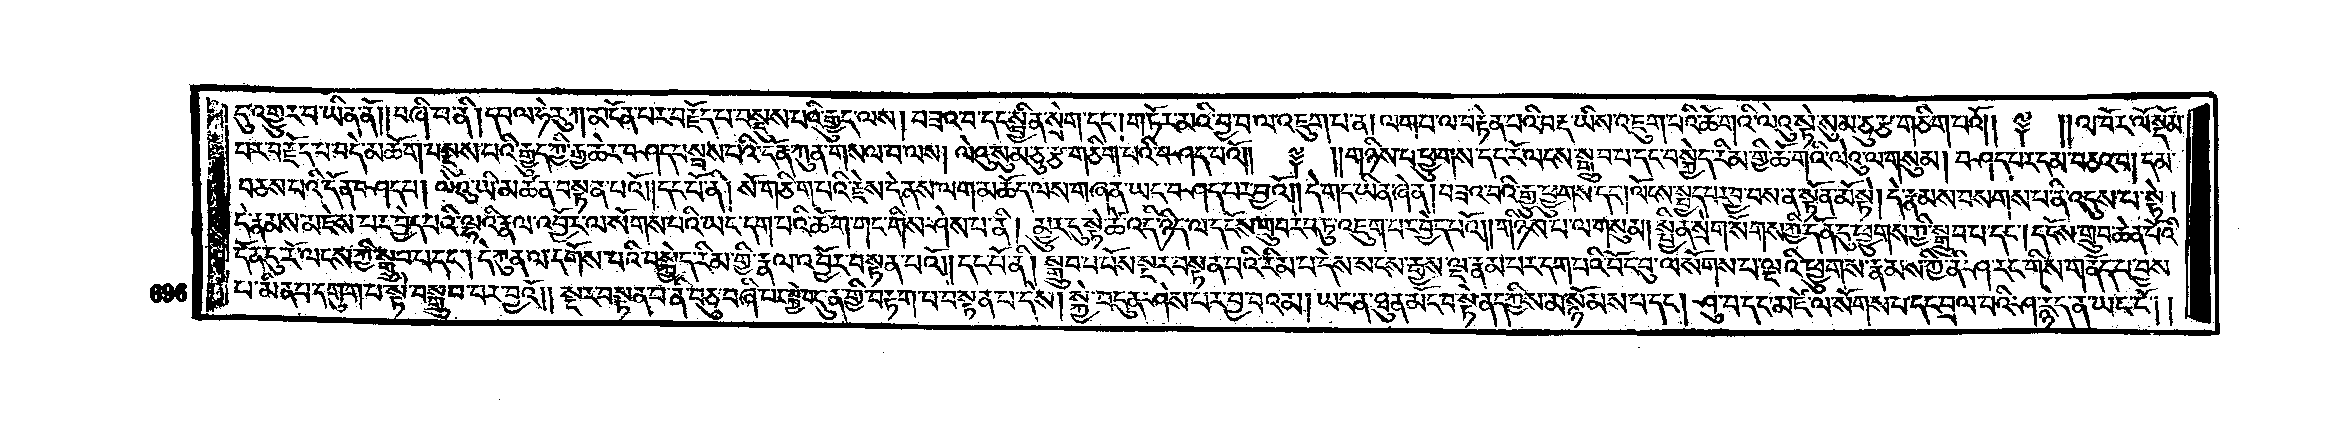དུ་འགྱུར་བ་ཡིན་ནོ། །བཞི་པ་ནི། དཔལ་ཧེ་རུ་ཀ་མངོན་པར་བརྗོད་པ་བསྡུས་པའི་རྒྱུད་ལས། བཟའ་བ་དང་སྦྱིན་སྲེག་དང་། གཏོར་མའི་བྱ་བ་ལ་འཇུག་པ་ན། ལག་པ་ལ་བརྟེན་པའི་བརྡ་ཡིས་འཇུག་པའི་ཆོ་གའི་ལེའུ་སྟེ་སུམ་ཅུ་རྩ་གཅིག་པའོ།། ༈ །།འཁོར་ལོ་སྡོམ་
པར་བརྗོད་པ་བདེ་མཆོག་བསྡུས་པའི་རྒྱུད་ཀྱི་རྒྱ་ཆེར་བཤད་པ་སྦས་པའི་དོན་ཀུན་གསལ་བ་ལས། ལེའུ་སུམ་ཅུ་རྩ་གཅིག་པའི་བཤད་པའོ།། ༈ །།གཉིས་པ་ཕྱུགས་དང་རོ་ལངས་སྒྲུབ་པ་དང་བསྐྱེད་རིམ་གྱི་ཆོ་གའི་ལེའུ་ལ་གསུམ། བཤད་པར་དམ་བཅའ་བ། དམ་
བཅས་པའི་དོན་བཤད་པ། ལེའུ་ཡི་མཚན་བསྟན་པའོ། །དང་པོ་ནི། སོ་གཅིག་པའི་རྗེས་དེ་ནས་ལག་མཆོད་ལས་གཞན་ཡང་བཤད་པར་བྱའོ། །དེ་གང་ཡིན་ཞེ་ན། བཟའ་བའི་རྒྱུ་ཕྱུགས་དང་། ལོངས་སྤྱད་པར་བྱ་བས་ན་སྟོན་མོ་སྟེ། དེ་རྣམས་བསགས་པ་ནི་འདུས་པ་སྟེ།
དེ་རྣམས་མཇེས་པར་བྱེད་པའི་ལྷའི་རྣལ་འབྱོར་ལ་སོགས་པའི་ཡང་དག་པའི་ཆོ་ག་གང་གིས་ཤེས་པ་ནི། མྱུར་དུ་སྟེ་ཚེ་འདི་ཉིད་ལ་དངོས་གྲུབ་རབ་ཏུ་འཇུག་པར་བྱེད་པའོ། །གཉིས་པ་ལ་གསུམ། སྦྱིན་སྲེག་སོགས་ཀྱི་དོན་དུ་ཕྱུགས་ཀྱི་སྒྲུབ་པ་དང་། དངོས་གྲུབ་ཆེན་པོའི་
དོན་དུ་རོ་ལངས་ཀྱི་སྒྲུབ་པ་དང་། དེ་ཀུན་ལ་དགོས་པའི་བསྐྱེད་རིམ་གྱི་རྣལ་འབྱོར་བསྟན་པའོ། །དང་པོ་ནི། སྒྲུབ་པ་པོས་སྔར་བསྟན་པའི་རིམ་པ་དེས་སངས་རྒྱས་ལྔ་རྣམ་པར་དག་པའི་བོང་བུ་ལ་སོགས་པ་ལྔའི་ཕྱུགས་རྣམས་ཀྱི་ནི་ཤ་རང་གིས་གནོད་པ་བྱས་
པ་མིན་པ་དགུག་པ་སྟེ་བསྒྲུབ་པར་བྱའོ། །སྔར་བསྟན་པ་ནི་བཅུ་བཞི་བར་སྐྱེ་བདུན་གྱི་བརྟག་པ་བ་སྟན་པ་དེས། སྐྱེ་བདུན་ཤེས་པར་བྱ་བའམ། ཡང་ན་ཐུན་མོང་བ་སྟེ་ནད་ཀྱིས་མ་སྙོམས་པ་དང་། ཤུ་བ་དང་མཛེ་ལ་སོགས་པ་དང་བྲལ་བའི་ཤ་རྙེད་ན་ཡང་ངོ། །